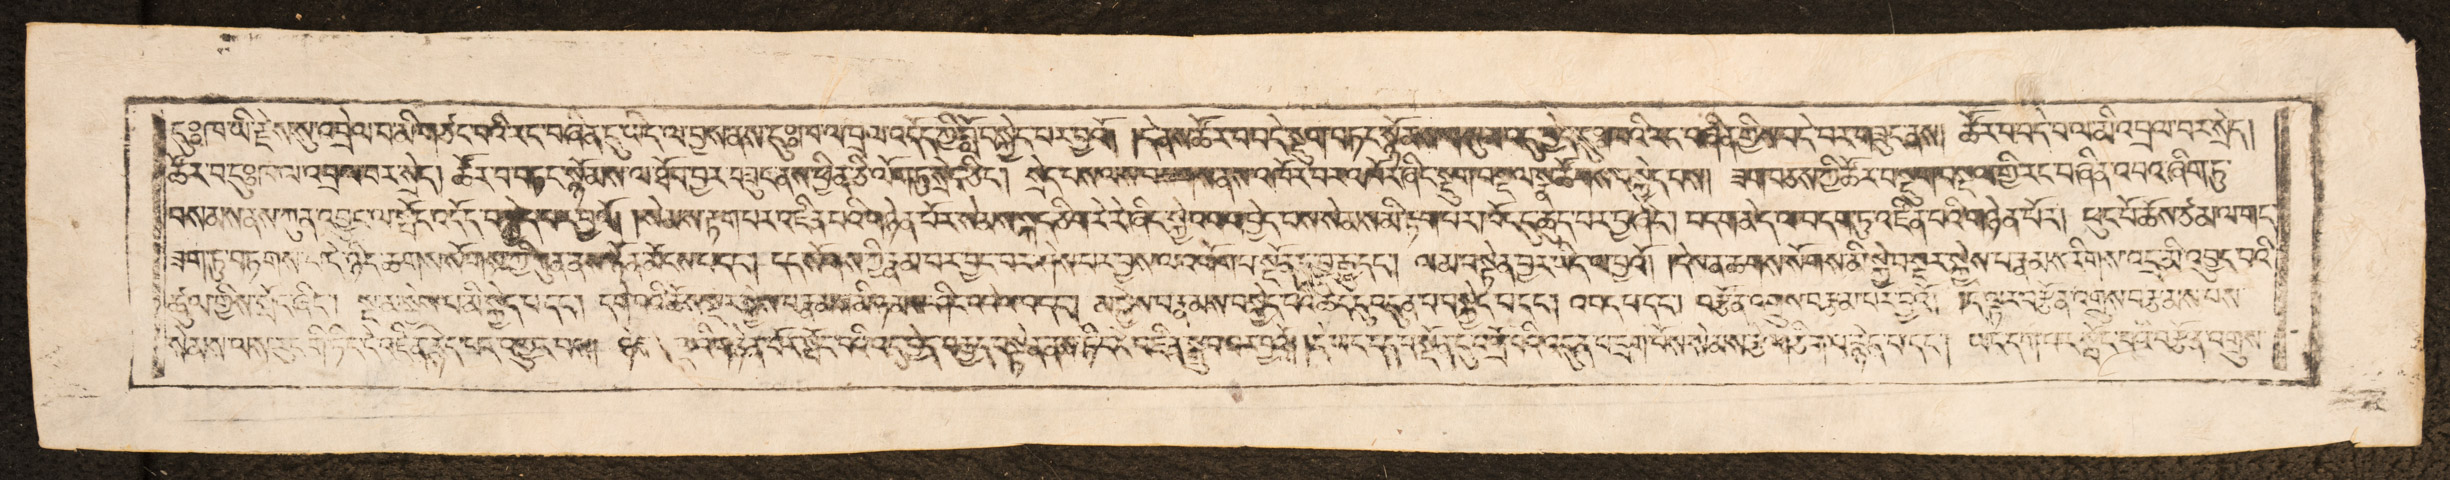དུཿ ཁ་ཡི་རྗེས་སུ་འབྲེལ་བ་མི་གཙང་བའི་རང་བཞིན་དུ་ཡིད་ལ་བྱས་ནས་དུཿ ཁ་ལ་བྲལ་འདོད་ཀྱི་བློ་བསྐྱེད་པར་བྱའོ། །དེ་ནས་ཚོར་བ་བདེ་སྡུག་བཏང་སྙོམས་གསུམ་འདུ་བྱེད་དུཿ ཁའི་རང་བཞིན་གྱིས་བདེ་བར་གཟུང་ནས། ཚོར་བ་བདེ་བ་ལ་མི་འབྲལ་བར་སྲེད།
ཚོར་བ་དུཿ ཁ་ལ་འབྲལ་བར་སྲེད། ཚོར་བ་བཏང་སྙོམས་ལ་ཐོབ་བྱར་བཟུང་ནས་ཕྱིན་ཅི་ལོག་ཏུ་སྲེད་ཅིང་། སྲེད་པས་ལས་བསགས་ནས་འཁོར་བར་འཁོར་ཞིང་སྡུག་བསྔལ་སྣ་ཚོགས་བསྐྱེད་པས། ཟོག་བཅས་ཀྱི་ཚོར་བ་སྡུག་བསྔལ་གྱི་རང་བཞིན་འབའ་ཞིག་ཏུ་
བསམས་ནས་ཀུན་འབྱུང་ལ་སྤོང་འདོད་བསྐྱེད་པར་བྱའོ། །སེམས་རྟག་པར་འཛིན་པའི་གཉེན་པོར་སེམས་སྐད་ཅིག་རེ་རེ་ཞིང་སྐྱེ་འགག་བྱེད་བས་སེམས་མི་རྟག་པར་ཁོང་དུ་ཆུད་པར་བྱ་ཞིང་། བདག་མེད་ལ་བདག་ཏུ་འཛིན་པའི་གཉེན་པོར། ཕུང་པོ་ཆོས་ཙམ་ལ་གང་
ཟག་ཏུ་བཏགས་པ་དེ་ཉིད་ཆགས་སོགས་ཀྱི་ཀུན་ནས་ཉོན་མོངས་པ་དང་། དད་སོགས་ཀྱི་རྣམ་པར་བྱང་བར་ཤེས་པར་བྱས་ལ་འགོག་པ་སྔོན་དུ་བྱ་རྒྱུ་དང་། ལམ་བསྟེན་བྱར་ཡིད་ལ་བྱའོ། །དེས་ན་ཆགས་སོགས་མི་སྐྱེ་བ་སྔར་སྐྱེས་པ་རྣམས་རིགས་འདྲ་མི་འབྱུང་བའི་
ཚུལ་གྱིས་སྤོང་ཞིང་། སྔ་མ་སྐྱེས་པ་མི་སྐྱེད་པ་དང་། དགེ་བའི་ཆོས་སྔར་སྐྱེས་པ་རྣམས་མི་ཉམས་ཤིང་འཕེལ་བ་དང་། མ་སྐྱེས་པ་རྣམས་བསྐྱེད་པའི་ཆེད་དུ་འདུན་པ་བསྐྱེད་པ་དང་། འབད་པ་དང་། བརྩོན་འགྲུས་བརྩམ་པར་བྱའོ། །དེ་ལྟར་བརྩོན་འགྲུས་བརྩམས་པས་
སེམས་ལས་རུང་གི་ཏིང་ངེ་འཛིན་རྙེད་པར་འགྱུར་པས། ཉེས་པ་ལྔའི་གཉེན་པོར་སྤོང་བའི་འདུ་བྱེད་བརྒྱད་བསྟེན་ནས་ཏིང་ངེ་འཛིན་སྒྲུབ་པར་བྱའོ། །དེ་ཡང་དད་པ་སྔོན་དུ་འགྲོ་བའི་འདུན་པ་དྲག་པོས་སེམས་རྩེ་གཅིག་པ་རྙེད་པ་དང་། ཡང་དག་པར་སྤོང་བའི་བརྩོན་འགྲུས་